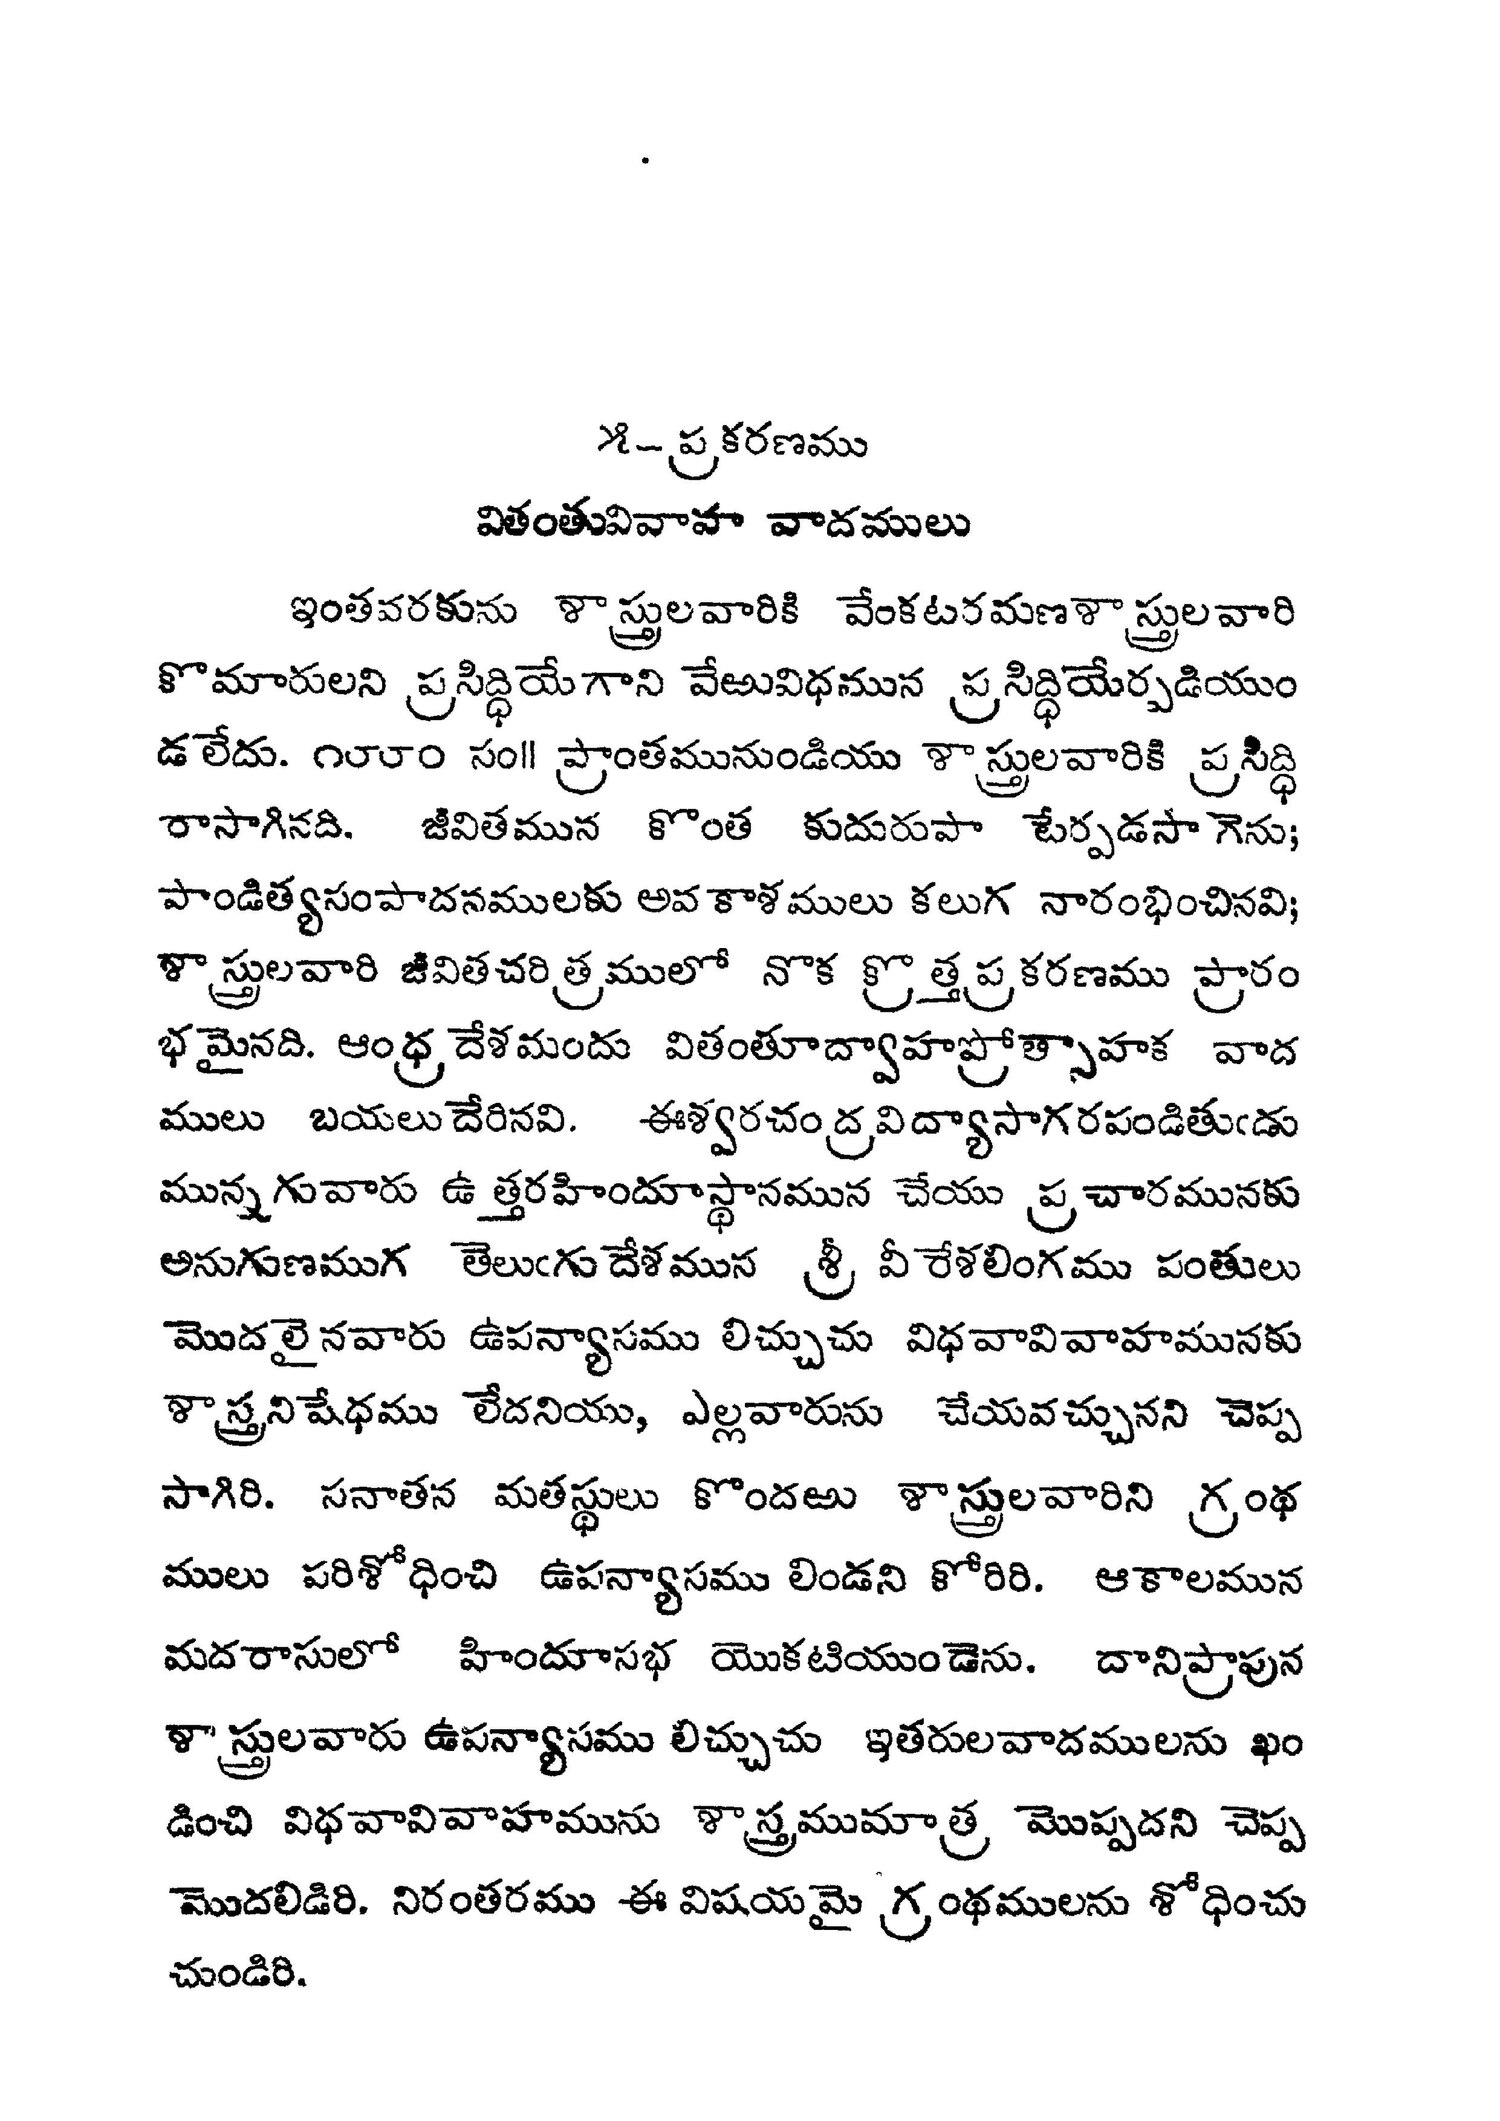ఇంతవరకును శాస్త్రులవారికి వేంకటరమణశాస్త్రులవారి కొమారులని ప్రసిద్ధియేగాని వేఱువిధమున ప్రసిద్ధియేర్పడి యుండలేదు. 1880 సం. ప్రాంతమునుండియు శాస్త్రులవారికి ప్రసిద్ధి రాసాగినది. జీవితమున కొంత కుదురుపా టేర్పడసాగెను; పాండిత్యసంపాదనములకు అవకాశములు కలుగ నారంభించినవి; శాస్త్రులవారి జీవితచరిత్రములో నొక క్రొత్త ప్రకరణము ప్రారంభమైనది. ఆంధ్రదేశమందు వితంతూద్వాహప్రోత్సాహక వాదములు బయలుదేరినవి. ఈశ్వరచంద్రవిద్యాసాగరపండితుడు మున్నగువారు ఉత్తరహిందూస్థానమున చేయు ప్రచారమునకు అనుగుణముగ తెలుగుదేశమున శ్రీ వీరేశలింగము పంతులు మొదలైనవారు ఉపన్యాసము లిచ్చుచు విధవావివాహమునకు శాస్త్రనిషేధము లేదనియు, ఎల్లవారును చేయవచ్చునని చెప్పసాగిరి. సనాతన మతస్థులు కొందఱు శాస్త్రులవారిని గ్రంథములు పరిశోధించి ఉపన్యాసము లిండని కోరిరి. ఆకాలమున మదరాసులో హిందూసభ యొకటియుండెను. దానిప్రాపున శాస్త్రులవారు ఉపన్యాసము లిచ్చుచు ఇతరులవాదములను ఖండించి విధవావివాహమును శాస్త్రముమాత్ర మొప్పదని చెప్ప మొదలిడిరి. నిరంతరము ఈవిషయమై గ్రంథములను శోధించుచుండిరి.